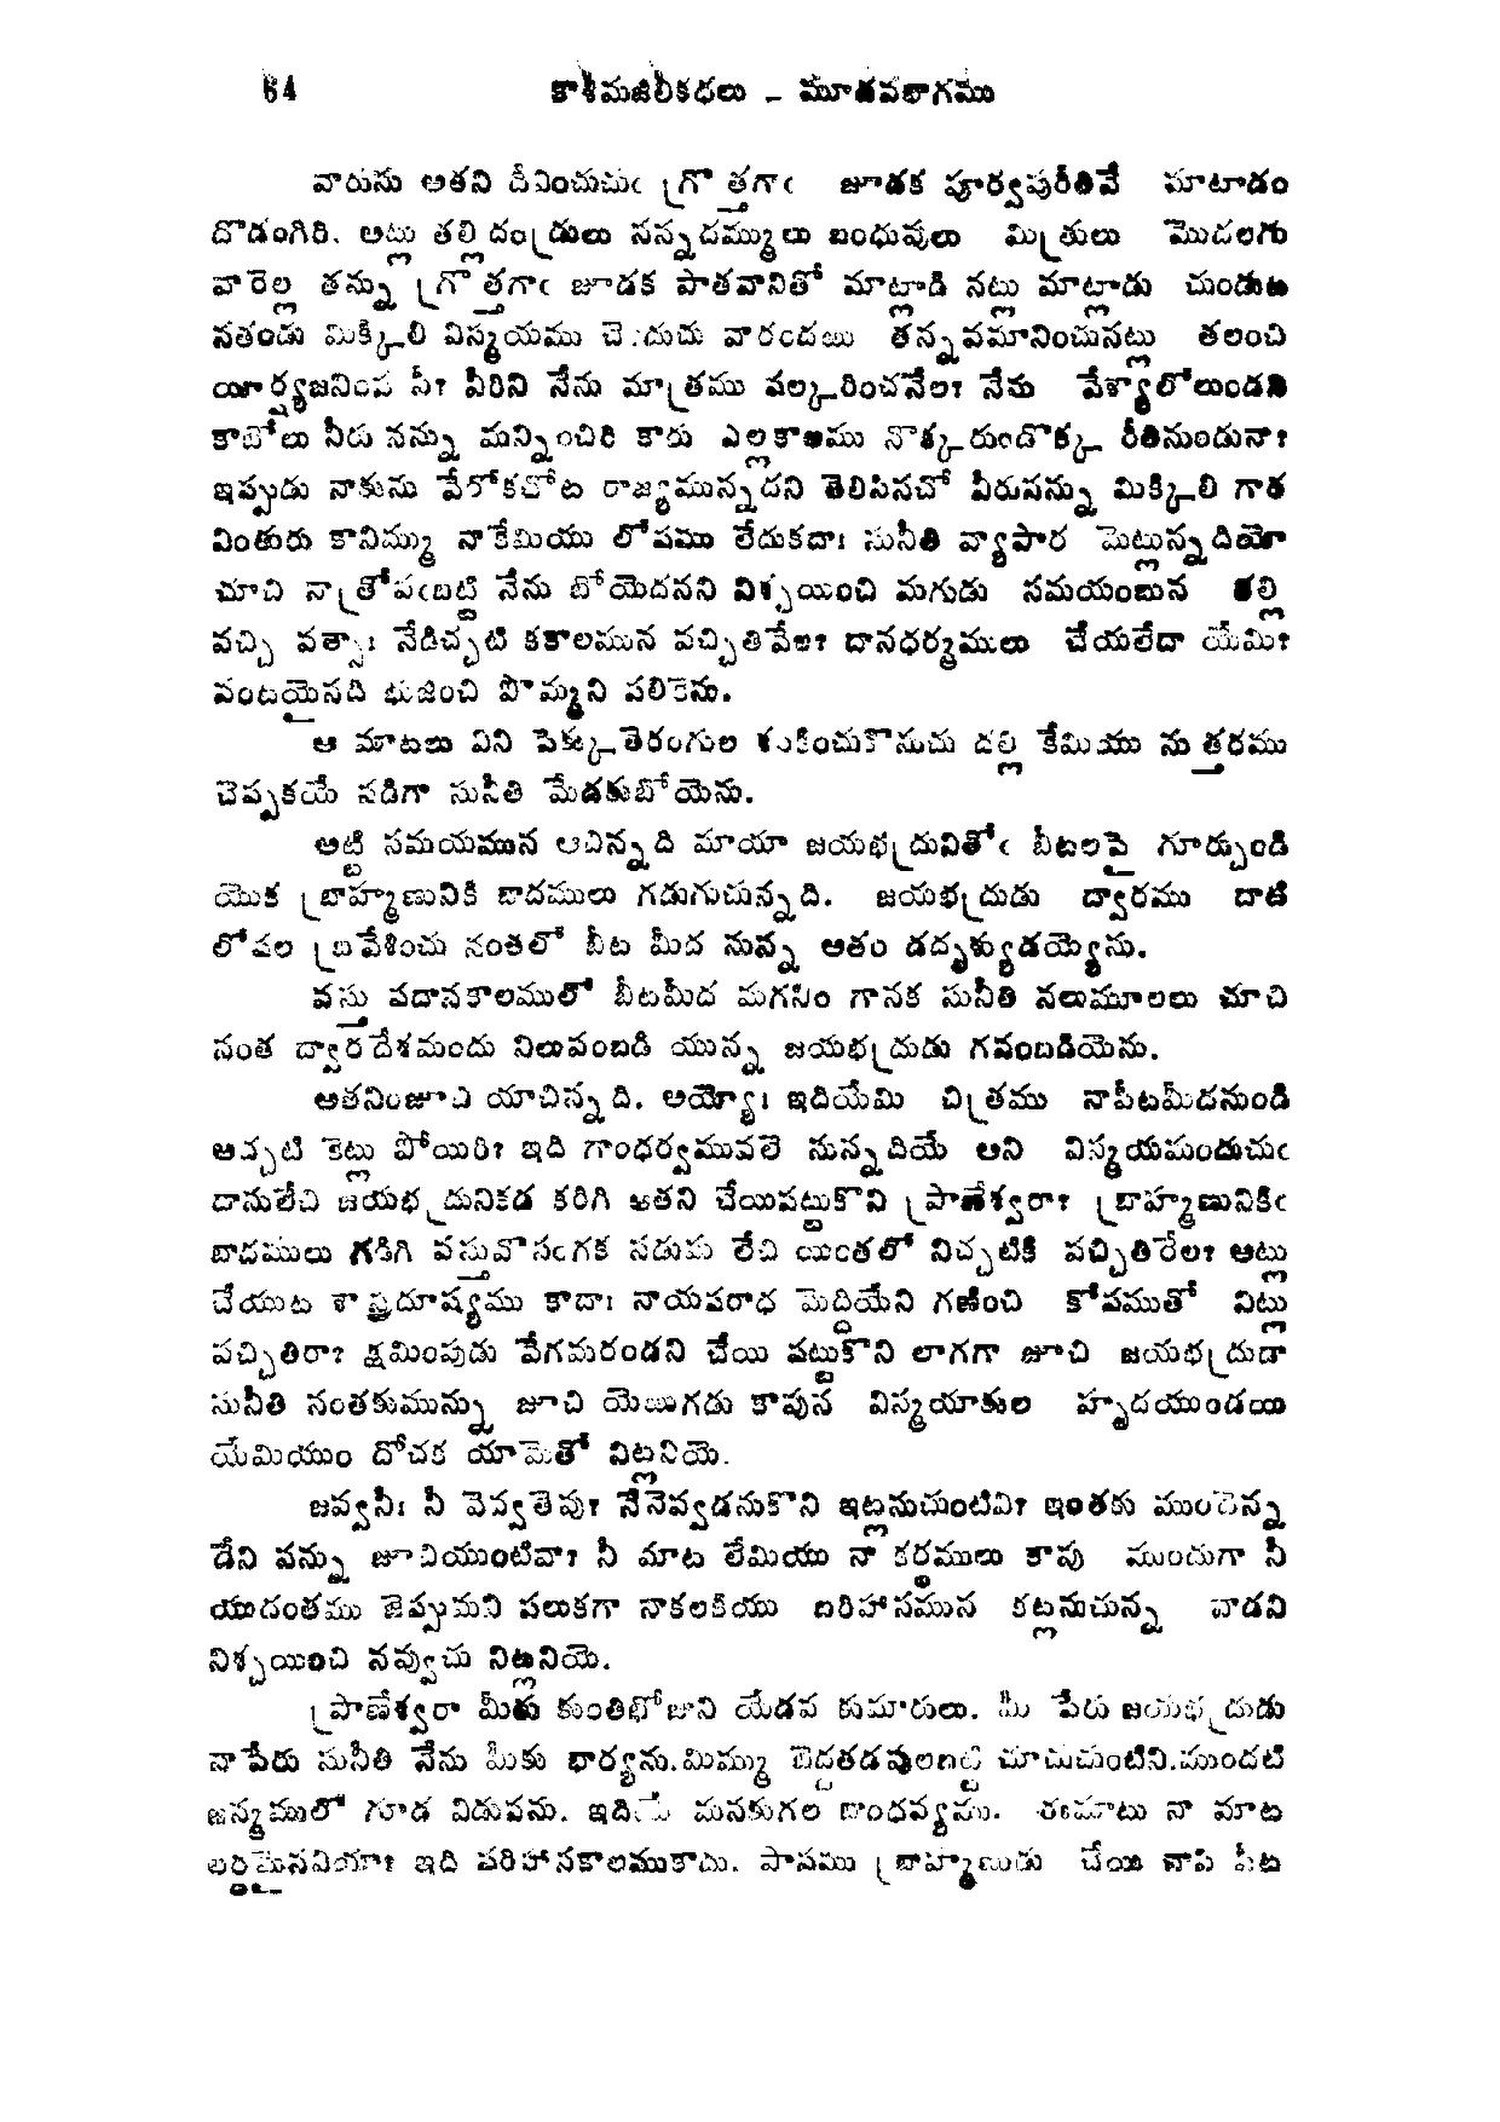వారును అతని దీవించుచుఁ గ్రొత్తగాఁ జూడక పూర్వపురీతినే మాటాడం దొడంగిరి. అట్లు తల్లిదండ్రులు నన్నదమ్ములు బంధువులు మిత్రులు మొదలగు వారెల్ల తన్ను గ్రొత్తగాఁ జూడక పాతవానితో మాట్లాడి నట్లు మాట్లాడుచుండుట నతండు మిక్కిలి విస్మయము చెందుచు వారందఱు తన్నవమానించునట్లు తలంచి యీర్ష్యజనింప సీ? వీరిని నేను మాత్రము పల్కరించనేల? నేను వేశ్యాలోలుండని కాబోలు వీరు నన్ను మన్నించిరి కారు ఎల్లకాలము నొక్కరుండొక్క రీతినుండునా? ఇప్పుడు నాకును వేరొకచోట రాజ్యమున్నదని తెలిసినచో వీరునన్ను మిక్కిలి గారవింతురు కానిమ్ము నాకేమియు లోపము లేదుకదా! సునీతి వ్యాపార మెట్లున్నదిమో చూచి నాత్రోవఁబట్టి నేను బోయెదనని నిశ్చయించి మగుడు సమయంబున తల్లి వచ్చి వత్సా! నేడిచ్చటి కకాలమున వచ్చితివేల? దానధర్మములు చేయలేదా యేమి? వంటయైనది భుజించి పొమ్మని పలికెను.

ఆ మాటలు విని పెక్కుతెరంగుల శంకించుకొనుచు దల్లి కేమియు నుత్తరము చెప్పకయే వడిగా సునీతి మేడకుబోయెను.

అట్టి సమయమున ఆచిన్నది మాయాజయభద్రునితోఁ బీటలపై గూర్చుండి యొక బ్రాహ్మణునికి బాదములు గడుగుచున్నది. జయభద్రుడు ద్వారము దాటి లోపల బ్రవేశించు నంతలో బీటమీద నున్న అతం డదృశ్యుడయ్యెను.

వస్తుపదానకాలములో బీటమీద మగనిం గానక సునీతి నలుమూలలు చూచి నంత ద్వారదేశమందు నిలువంబడి యున్న జయభద్రుడు గనంబడియెను.

అతనిం జూచి యాచిన్నది. అయ్యో! ఇది యేమి చిత్రము నాపీటమీదనుండి అచ్చటి కెట్లు పోయిరి? ఇది గాంధర్వమువలె నున్నదియే అని విస్మయమందుచుఁ దానులేచి జయభద్రునికడ కరిగి అతని చేయిపట్టుకొని ప్రాణేశ్వరా? బ్రాహ్మణునికిఁ బాదములు గడిగి వస్తు వొసంగక నడుమ లేచి యింతలో నిచ్చటికి వచ్చితిరేల? అట్లు చేయుట శాస్త్రదూష్యము కాదా! నాయపరాధ మెద్దియేని గణించి కోపముతో నిట్లు వచ్చితిరా? క్షమింపుడు వేగమరండని చేయి పట్టుకొని లాగగా జూచి జయభద్రు డాసునీతి నంతకుమున్ను జూచి యెఱుగడు కావున విస్మయాకులహృదయుండయి యేమియుం దోచక యామెతో నిట్లనియె.

జవ్వనీ! నీ వెవ్వతెవు? నేనెవ్వడనుకొని ఇట్లనుచుంటివి? ఇంతకుముం దెన్నడేని నన్ను జూచియుంటివా? నీ మాట లేమియు నా కర్థములు కావు ముందుగా నీ యుదంతము జెప్పుమని పలుకగా నాకలకియు బరిహాసమున కట్లనుచున్న వాడని నిశ్చయించి నవ్వుచు నిట్లనియె.

ప్రాణేశ్వరా మీకు కుంతిభోజుని యేడవకుమారులు. మీపేరు జయభద్రుడు. నాపేరు సునీతి నేను మీకు భార్యను. మిమ్ము బెద్దతడవులబట్టి చూచుచుంటిని. ముందటి జన్మములో గూడ విడువను. ఇదియే మనకుగల బాంధవ్యము. ఈమాటు నా మాట లర్దమైనవియా? ఇది పరిహాసకాలముకాదు. పాపము బ్రాహ్మణుడు చేయి చాపి పీట